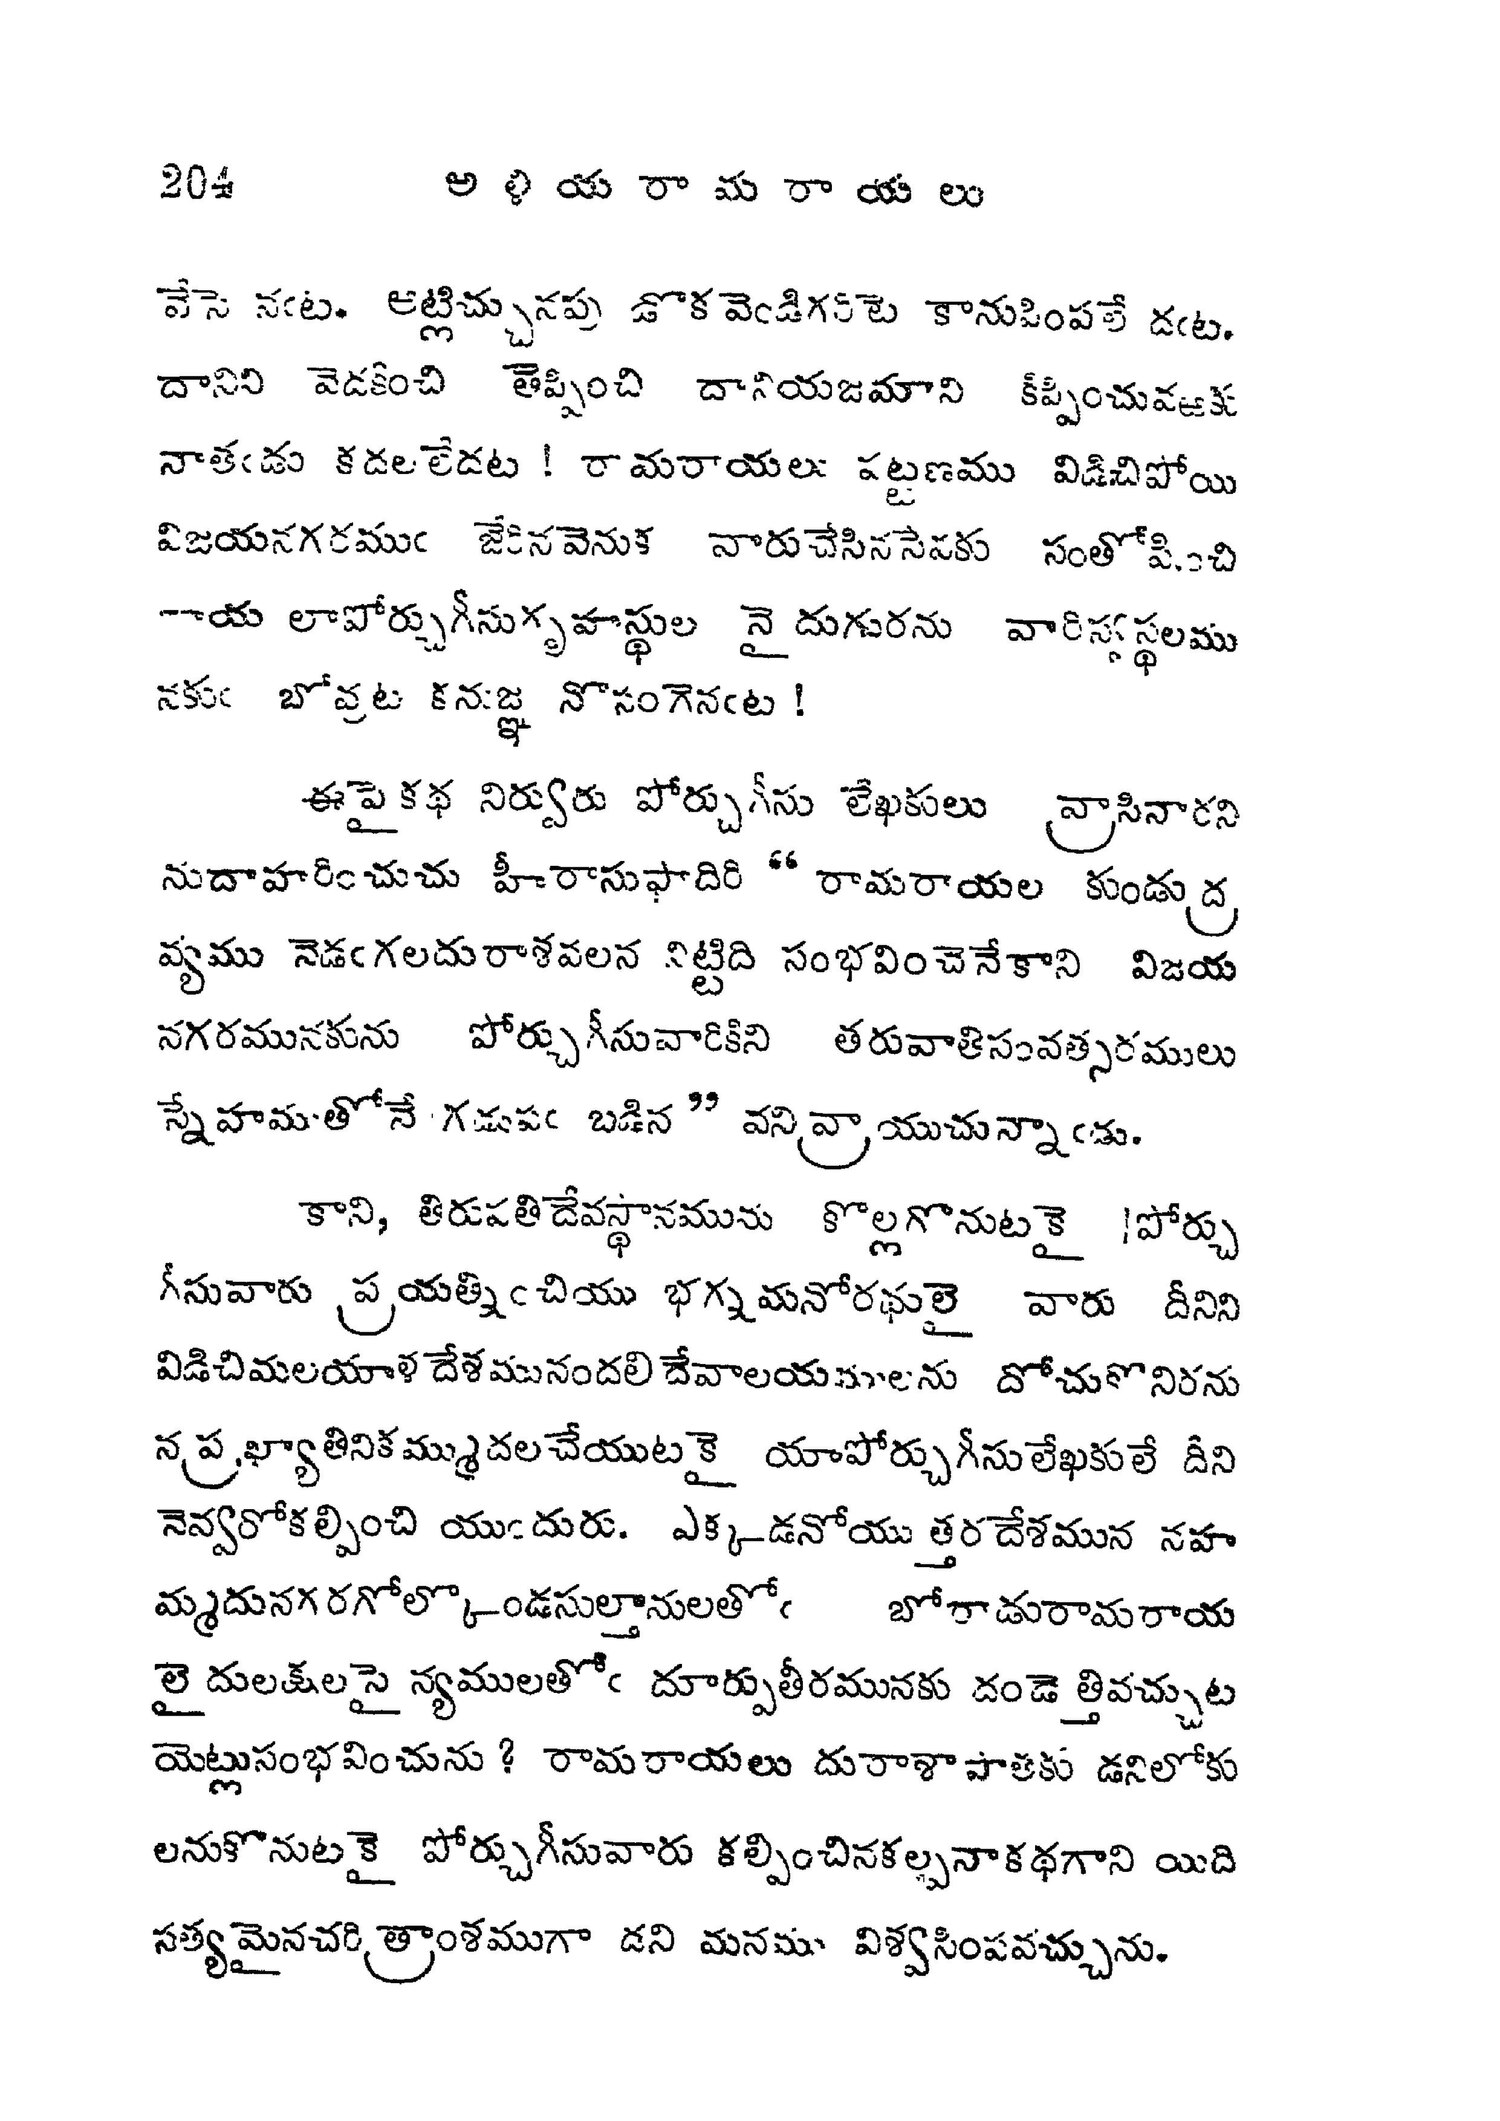వేసె నట. అట్లిచ్చునపు డొకవెండిగరిటె కానుపింపలే దట. దానిని వెదకించి తెప్పించి దానియజమాని కిప్పించువఱకు నాతడు కదలలేదట ! రామరాయలు పట్టణము విడిచిపోయి విజయనగరము జేరినవెనుక వారుచేసినసేవకు సంతోషించి రాయ లాపోర్చుగీసుగృహస్థుల నైదుగురును వారి స్వస్థలమునకు బోవుట కనుజ్ఞ నొసంగెనట !

ఈపైకథ నిర్వురు పోర్చుగీసు లేఖకులు వ్రాసినారని నుదాహరించుచు హీరాసుఫాదిరి "రామరాయల కుండుద్రవ్యము నెడగలదురాశవలన నిట్టిది సంభవించెనేకాని విజయనగరమునకును పోర్చుగీసువారికిని తరువాతిసంవత్సరములు స్నేహముతోనే గడుప బడిన" వని వ్రాయుచున్నాడు.

కాని, తిరుపతిదేవస్థానమును కొల్లగొనుటకై పోర్చుగీసువారు ప్రయత్నించియు భగ్నమనోరథులై వారు దీనిని విడిచిమలయాళ దేశమునందలి దేవాలయములను దోచుకొనిరను నప్రఖ్యాతినికమ్ముదలచేయుటకై యాపోర్చుగీసు లేఖకులే దీని నెవ్వరోకల్పించి యుందురు. ఎక్కడనోయుత్తరదేశమున నహమ్మదునగర గోల్కొండ సుల్తానులతో బోరాడు రామరాయ లైదులక్షల సైన్యముతో దూర్పుతీరమునకు దండెత్తివచ్చుట యెట్లు సంభవించును? రామరాయలు దురాశాపాతకు డనిలోకు లనుకొనుటకై పోర్చుగీసువారు కల్పించిన కల్పనాకథగాని యిదిసత్యమైన చరిత్రాంశముగా దని మనము విశ్వసింపవచ్చును.